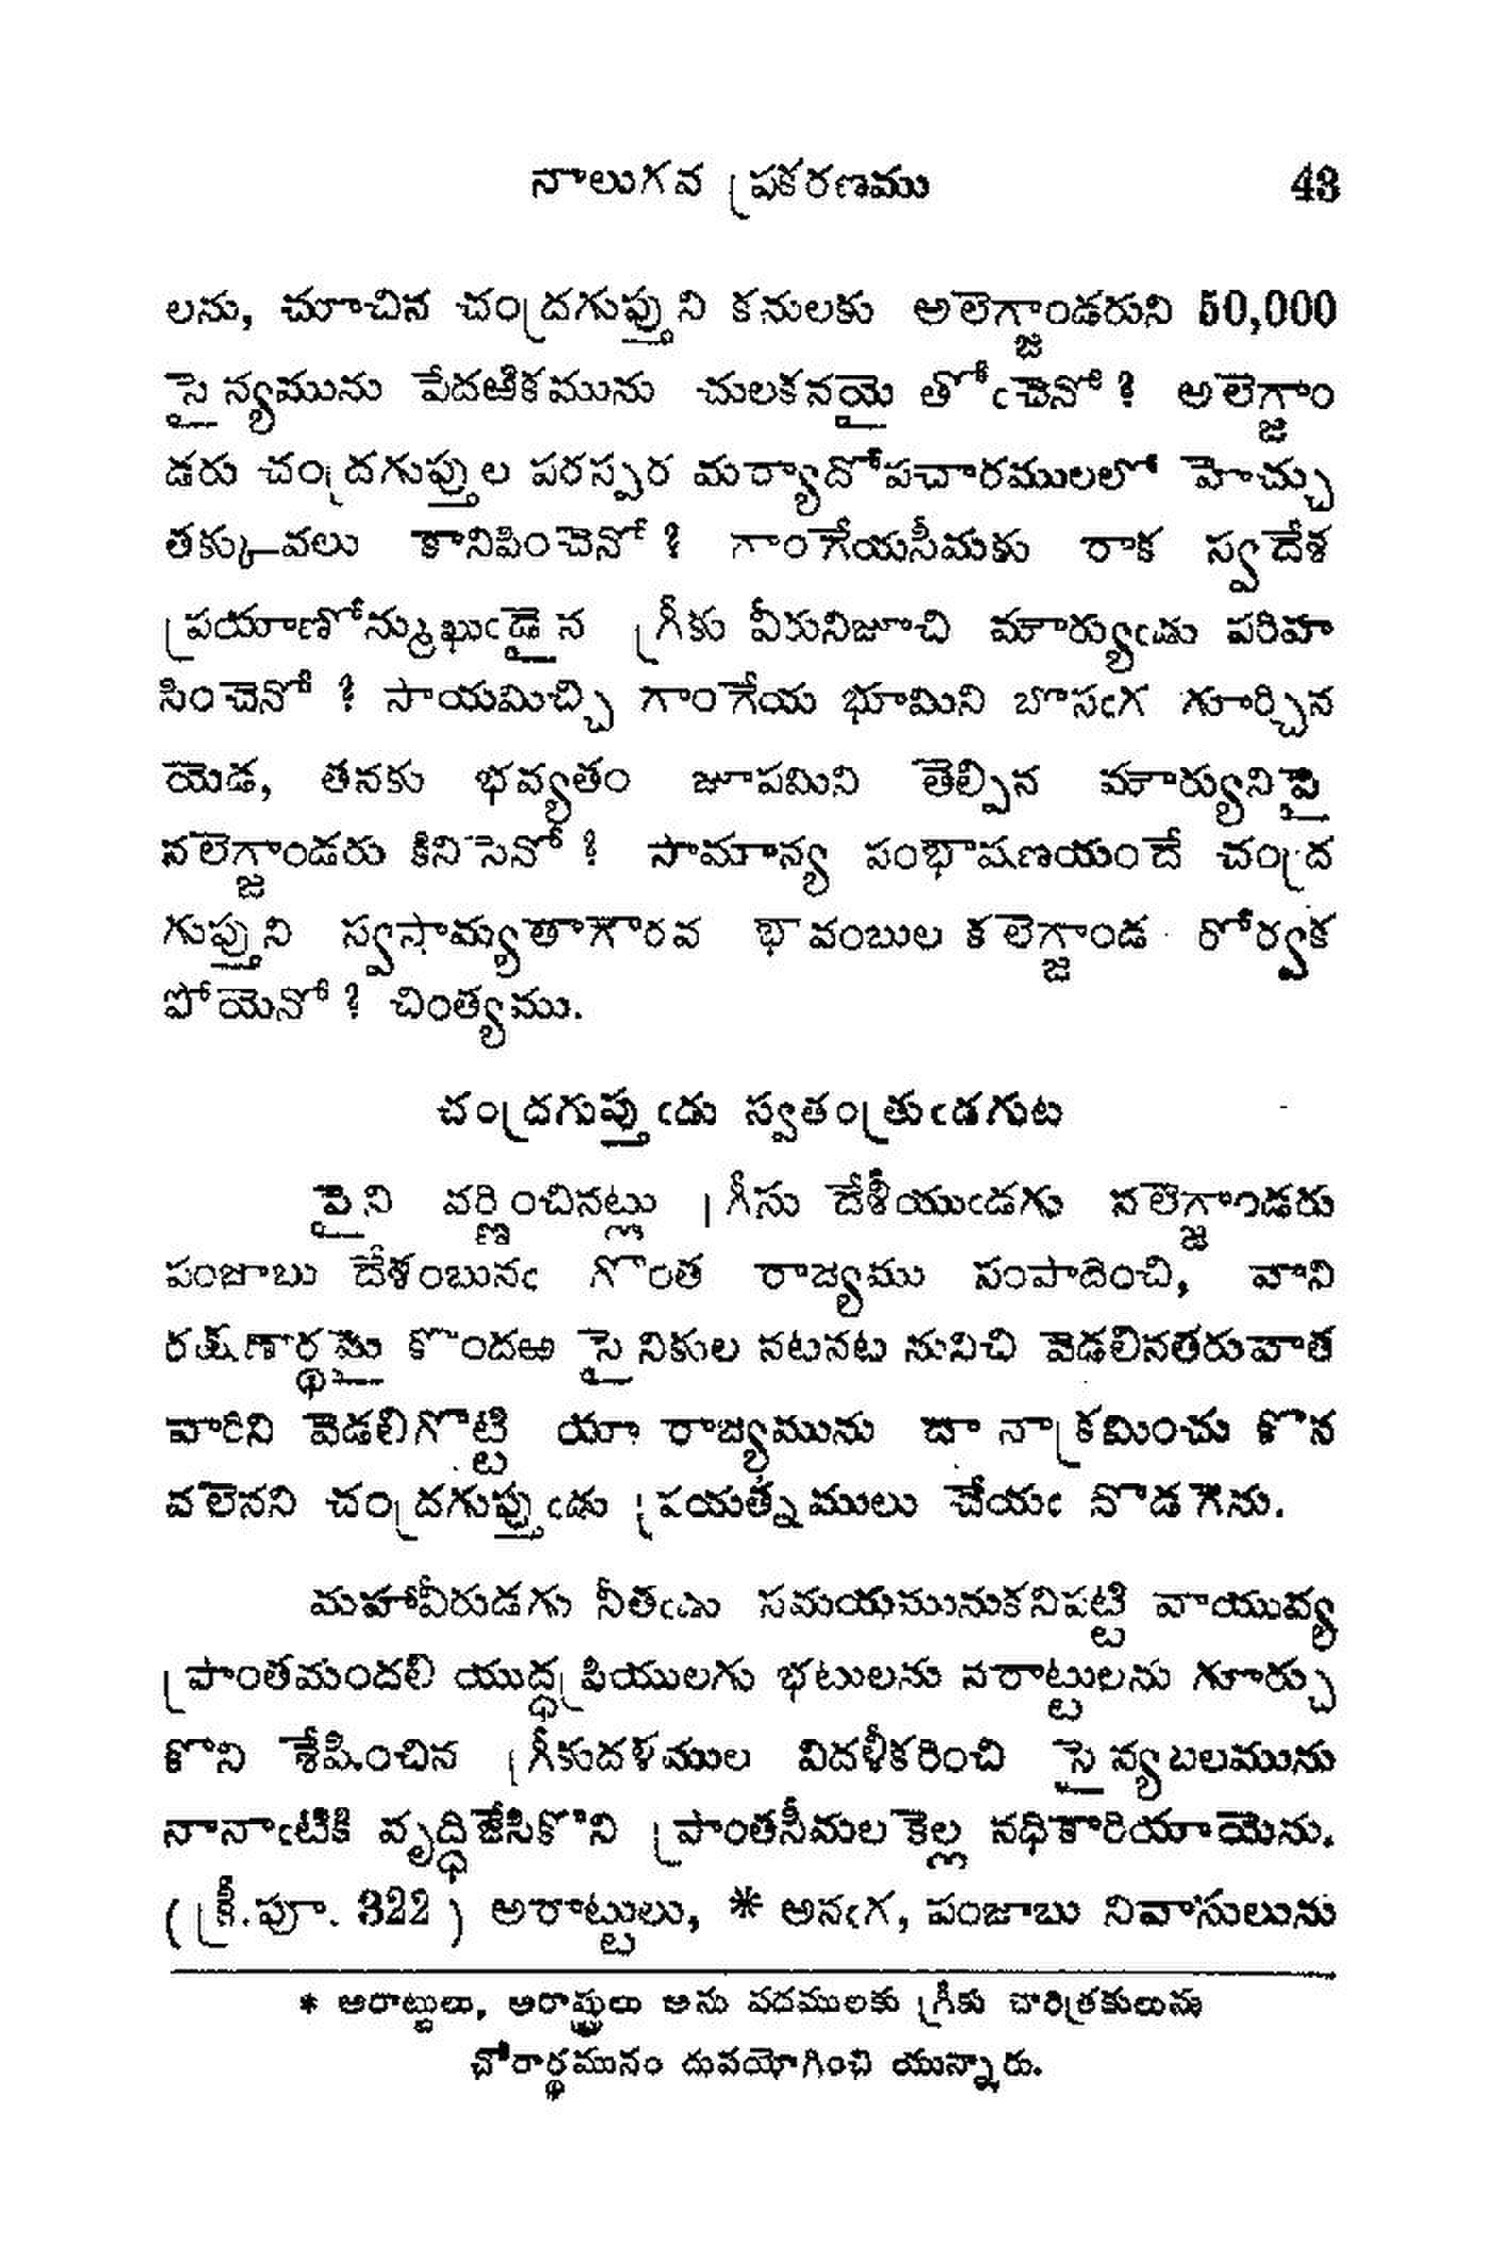లను, చూచిన చంద్రగుప్తుని కనులకు అలెగ్జాండరుని 50,000 సైన్యమును పేదఱికమును చులకనయై తోఁచెనో ? అలెగ్జాండరు చంద్రగుప్తుల పరస్పర మర్యాదోపచారములలో హెచ్చు తక్కువలు కానిపించెనో ? గాంగేయసీమకు రాక స్వదేశ ప్రయాణోన్ముఖుఁడైన గ్రీకు వీరునిజూచి మౌర్యుఁడు పరిహసించెనో ? సాయమిచ్చి గాంగేయ భూమిని బొసఁగ గూర్చిన యెడ, తనకు భవ్యతం జూపమని తెల్పిన మౌర్యునిపై నలెగ్జాండరు కిని సెనో ? సామాన్య సంభాషణయందే చంద్రగుప్తుని స్వసామ్యతాగౌరవ భావంబుల కలెగ్జాండ రోర్వక పోయెనో ? "చింత్యము.

చంద్రగుప్తుఁడు స్వతంత్రుఁడగుట

పైని వర్ణించినట్లు గ్రీసు దేశీయుఁడగు నలెగ్జాండరు పంజాబు దేశంబునఁ గొంత రాజ్యము సంపాదించి, వాని రక్షణార్థమై కొందఱ సైనికుల నటనట నునిచి వెడలినతరువాత వారిని వెడలిగొట్టి యా రాజ్యమును దా నాక్రమించు కొన వలెనని చంద్రగుప్తుఁడు ప్రయత్నములు చేయఁ దొడగెను.

మహావీరుడగు నీతఁడు సమయమునుకనిపట్టి వాయువ్య ప్రాంతమందలి యుద్ధప్రియులగు భటులను నరాట్టులను గూర్చుకొని శేషించిన గ్రీకుదళముల విదళీకరించి సైన్యబలమును నానాఁటికి వృద్ధిజేసికొని ప్రాంతసీమల కెల్ల నధికారియాయెను. (క్రీ.పూ. 322) అరాట్టులు, * అనఁగ, పంజాబు నివాసులును